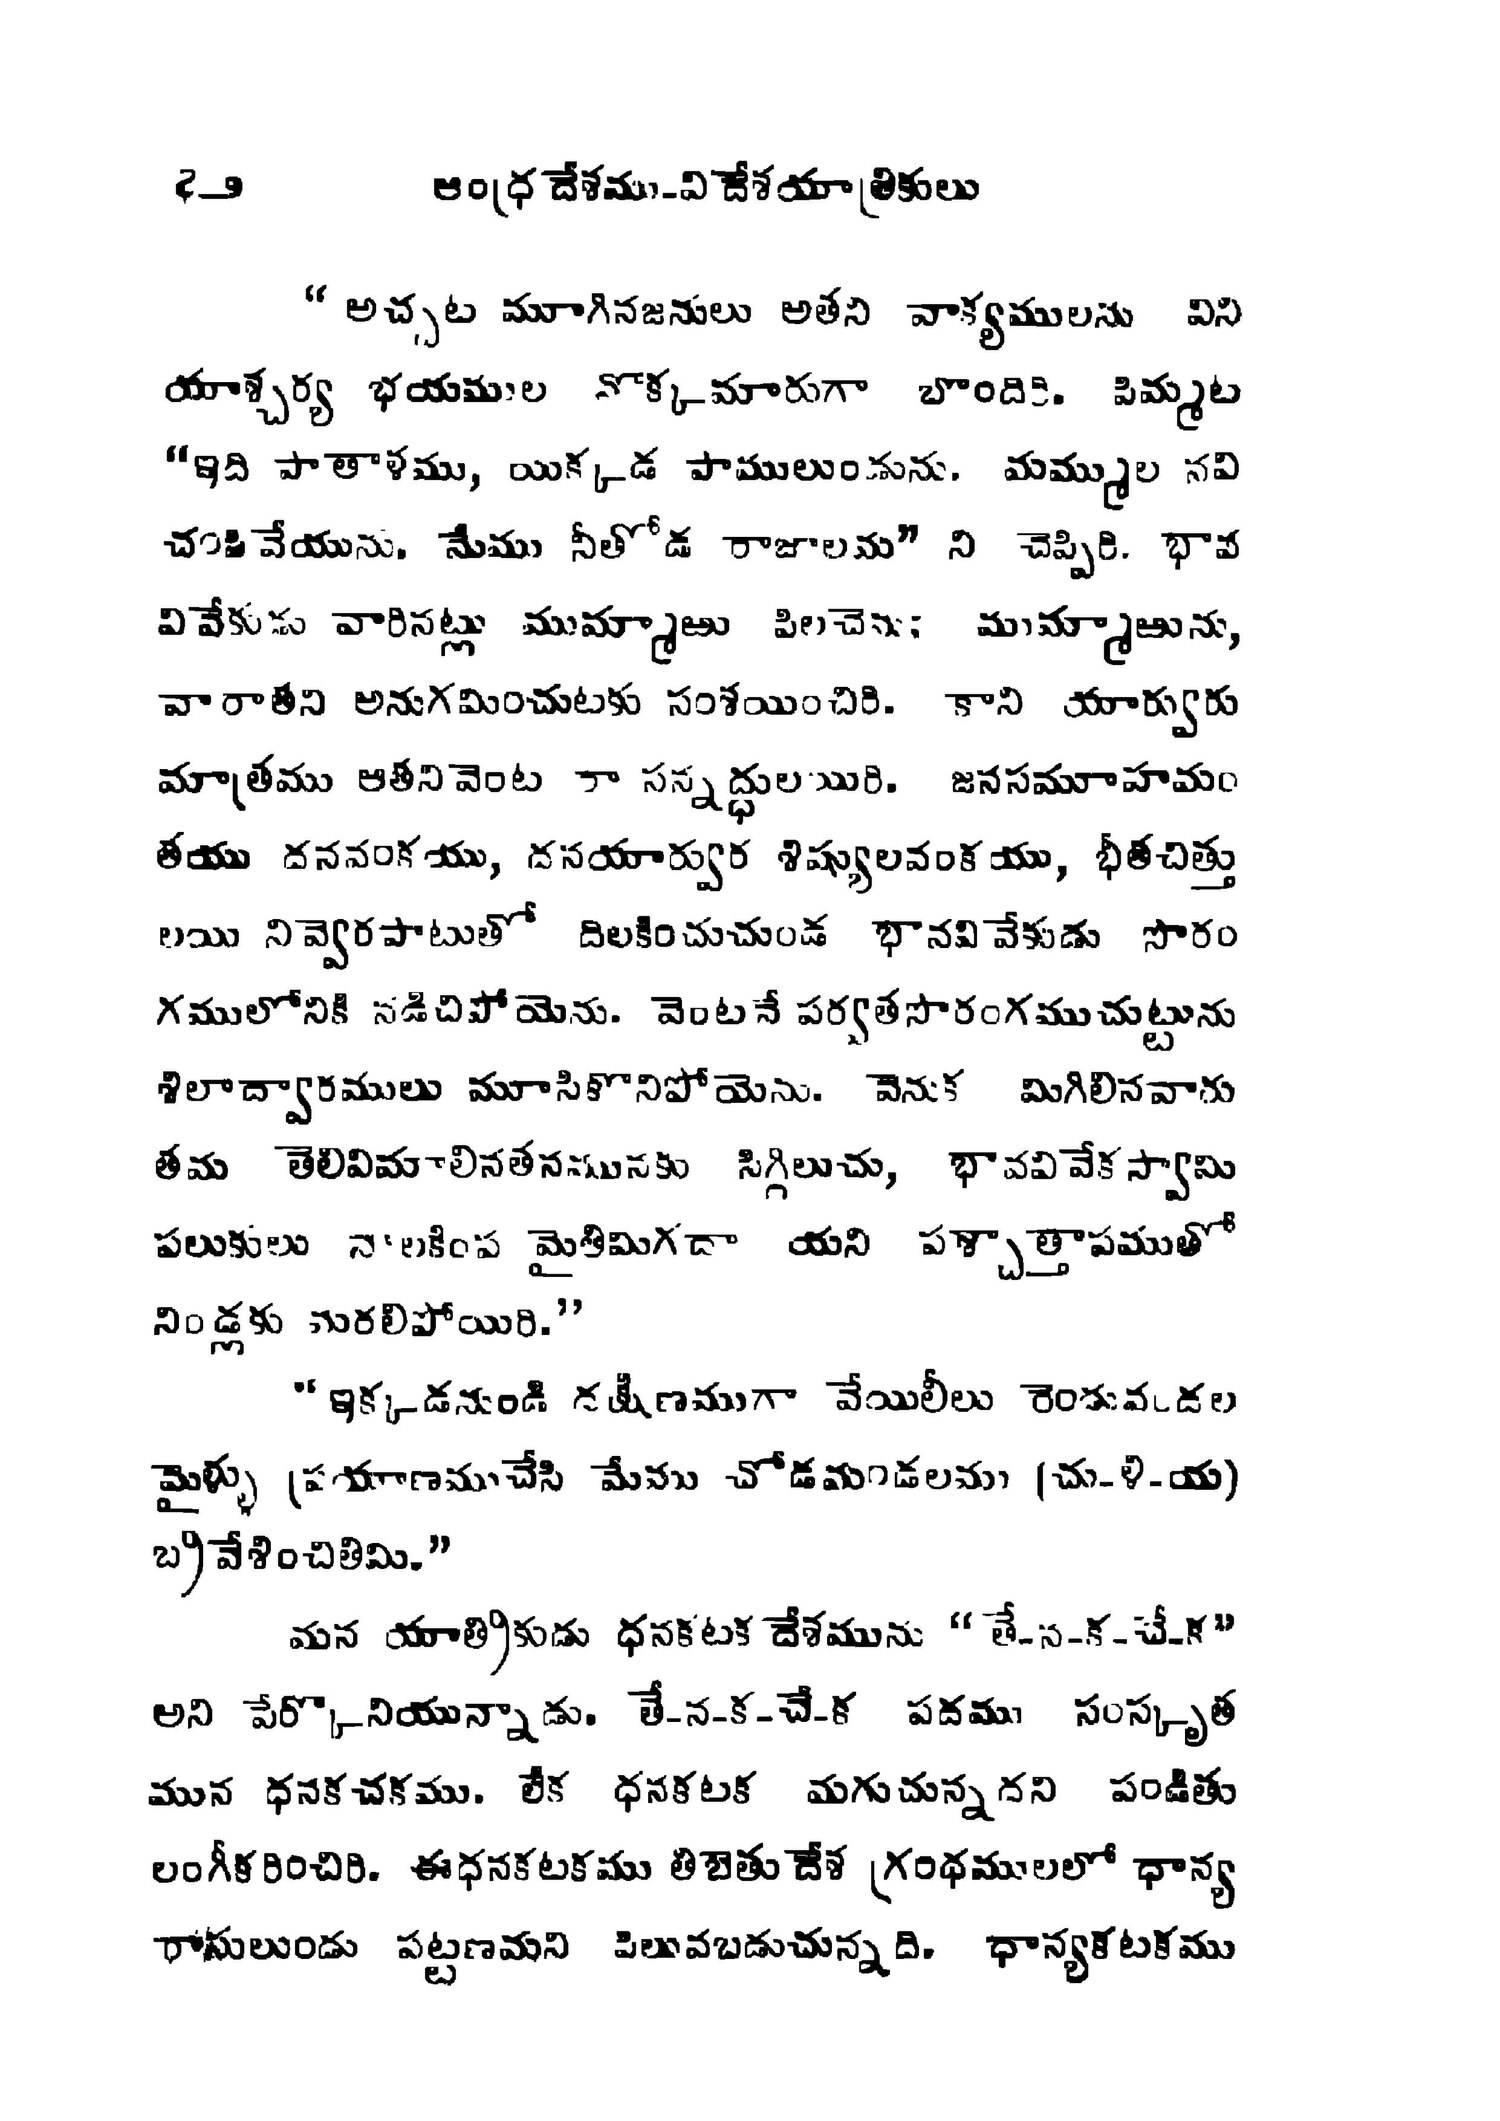"అచ్చట మూగినజనులు అతని వాక్యములను విని యాశ్చర్య భయముల నొక్కమారుగా బొందిరి. పిమ్మట "ఇది పాతాళము, యిక్కడ పాములుండును. మమ్ముల నవి చంపివేయును. మేము నీతోడ రాజాలమ"ని చెప్పిరి. భావవివేకుడు వారినట్లు ముమ్మాఱు పిలచెను: ముమ్మాఱును, వారాతని అనుగమించుటకు సంశయించిరి. కాని యార్వురు మాత్రము అతనివెంట రా సన్నద్ధులయిరి. జనసమూహమంతయు దనవంకయు, దనయార్వుర శిష్యులవంకయు, భీతచిత్తులయి నివ్వెరపాటుతో దిలలించుచుండ భావవివేకుడు సొరంగములోనికి నడిచిపోయెను. వెంటనే పర్వతసొరంగముచుట్టును శిలాద్వారములు మూసికొనిపోయెను. వెనుక మిగిలినవారు తమ తెలివిమాలినతనమునకు సిగ్గిలుచు, భావవివేకస్వామి పలుకులు నాలకింప మైతిమిగదా యని పశ్చాత్తాపముతో నిండ్లకు మరలిపోయిరి."

ఇక్కడనుండి దక్షిణముగా వేయిలీలు రెండవందల మైళ్ళు ప్రయాణముచేసి మేము చోడమండలము (చు-ళి-య) బ్రవేశించితిమి."

మన యాత్రికుడు ధనకటక దేశమును "తే-న-క-చే-క" అని పేర్కొనియున్నాడు. తే-న-క-చే-క పదము సంస్కృతమున ధనకచకము. లేక ధనకటక మగుచున్నదని పండితు లంగీకరించిరి. ఈధనకటకము తిబెతు దేశ గ్రంథములలో ధాన్యరాసులుండు పట్టణమని పిలువబడుచున్నది. ధాన్యకటకము